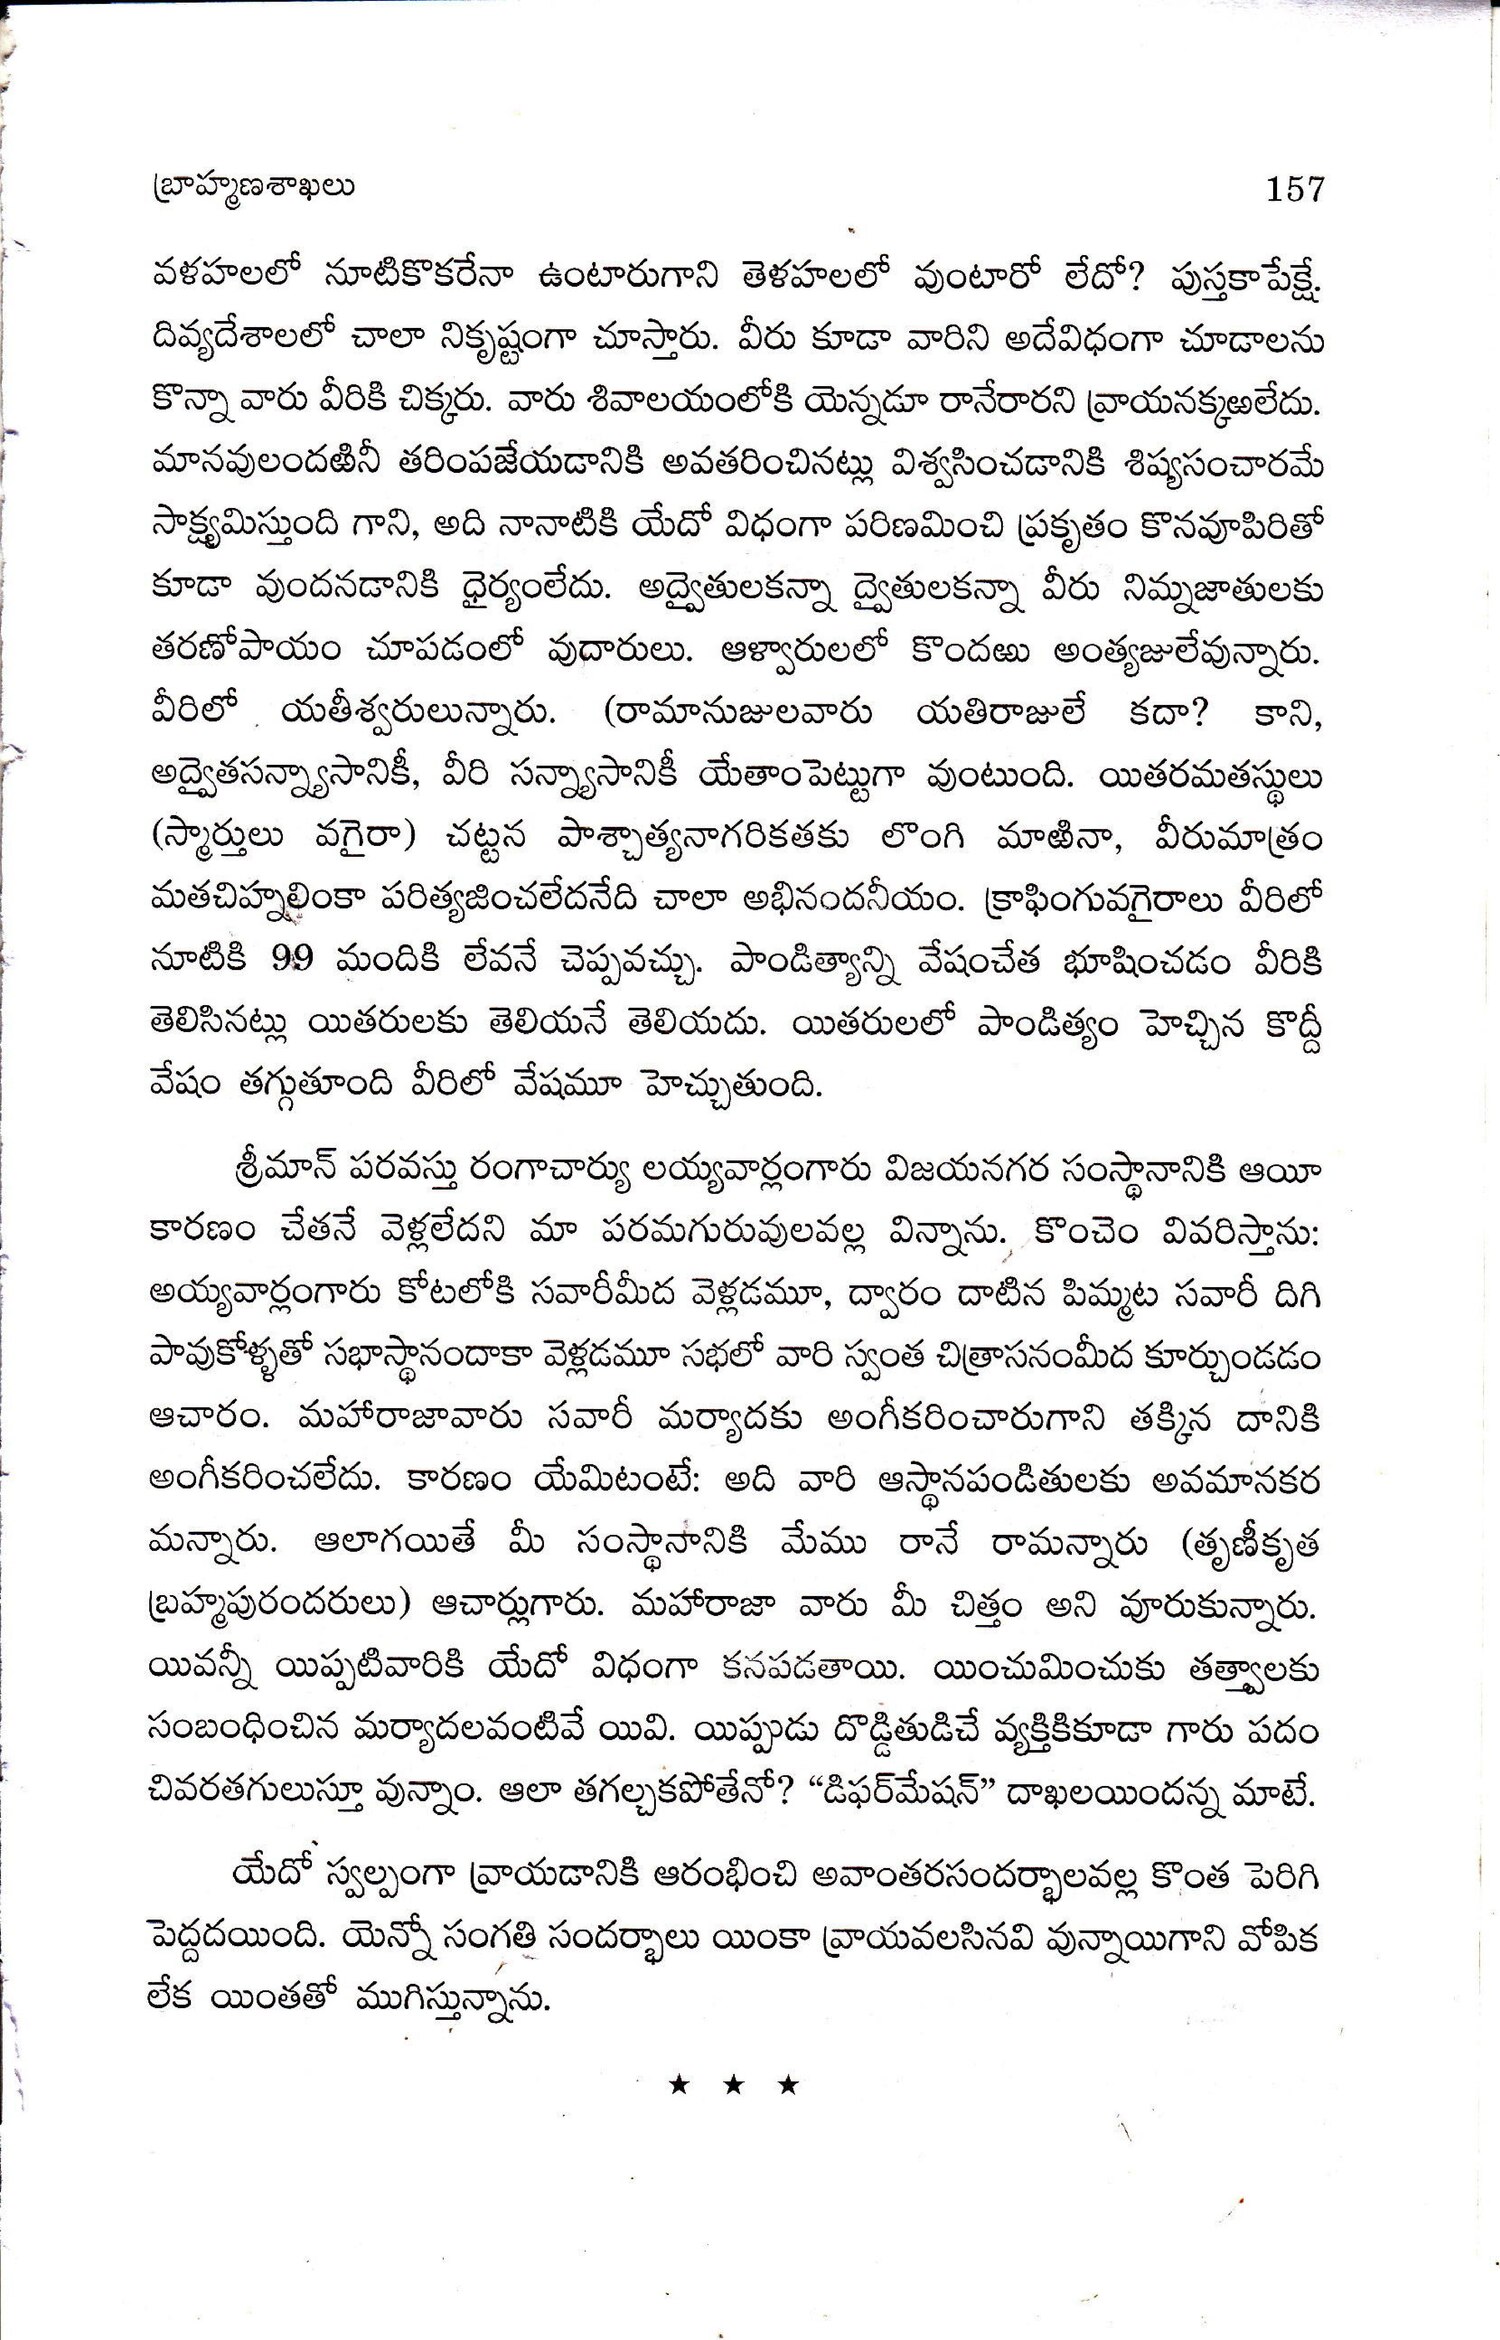వళహలలో నూటికొకరేనా ఉంటారుగాని తెళహలలో వుంటారో లేదో? పుస్తకాపేక్షే దివ్యదేశాలలో చాలా నికృష్టంగా చూస్తారు. వీరు కూడా వారిని అదేవిధంగా చూడాలను కొన్నావారు వీరికి చిక్కరు. వారు శివాలయంలోకి యెన్నడూ రానేరారని వ్రాయనక్కఱలేదు. మానవులందఱినీ తరింపజేయడానికి అవతరించినట్లు విశ్వసించడానికి శిష్యసంచారమే సాక్ష్యమిస్తుంది గాని, అది నానాటికి యేదో విధంగా పరిణమించి ప్రకృతం కొనవూపిరితో కూడా వుందనడానికి ధైర్యంలేదు. అద్వైతులకన్నా ద్వైతులకన్నా వీరు నిమ్నజాతులకు తరణోపాయం చూపడంలో వుదారులు. ఆళ్వారులలో కొందఱు అంత్యజలేవున్నారు. వీరిలో యతీశ్వరులున్నారు. (రామానుజులవారు యతిరాజులే కదా? కాని, అద్వైతసన్న్యాసానికీ, వీరి సన్న్యాసానికీ యేతాంపెట్టుగా వుంటుంది. యితరమతస్థులు (స్మార్తులు వగైరా) చట్టన పాశ్చాత్యనాగరికతకు లొంగి మాఱినా, వీరుమాత్రం మతచిహ్నలింకా పరిత్యజించలేదనేది చాలా అభినందనీయం. క్రాఫింగువగైరాలు వీరిలో నూటికి 99 మందికి లేవనే చెప్పవచ్చు. పాండిత్యాన్ని వేషంచేత భూషించడం వీరికి తెలిసినట్లు యితరులకు తెలియనే తెలియదు. యితరులలో పాండిత్యం హెచ్చిన కొద్దీ వేషం తగ్గుతూంది వీరిలో వేషమూ హెచ్చుతుంది.

శ్రీమాన్ పరవస్తు రంగాచార్యులయ్యవార్లంగారు విజయనగర సంస్థానానికి ఆయీ కారణం చేతనే వెళ్లలేదని మా పరమగురువులవల్ల విన్నాను. కొంచెం వివరిస్తాను: అయ్యవార్లంగారు కోటలోకి సవారీమీద వెళ్లడమూ, ద్వారం దాటిన పిమ్మట సవారీ దిగి పావుకోళ్ళతో సభాస్థానందాకా వెళ్లడమూ సభలో వారి స్వంత చిత్రాసనంమీద కూర్చుండడం ఆచారం. మహారాజావారు సవారీ మర్యాదకు అంగీకరించారుగాని తక్కిన దానికి అంగీకరించలేదు. కారణం యేమిటంటే: అది వారి ఆస్థానపండితులకు అవమానకర మన్నారు. ఆలాగయితే మీ సంస్థానానికి మేము రానే రామన్నారు (తృణీకృత బ్రహ్మపురందరులు) ఆచార్లుగారు. మహారాజా వారు మీ చిత్తం అని వూరుకున్నారు. యివన్నీ యిప్పటివారికి యేదో విధంగా కనపడతాయి. యించుమించుకు తత్త్వాలకు సంబంధించిన మర్యాదలవంటివే యివి. యిప్పడు దొడ్డితుడిచే వ్యక్తికికూడా గారు పదం చివరతగులుస్తూ వున్నాం. ఆలా తగల్చకపోతేనో? "డిఫర్‌మేషన్" దాఖలయిందన్నమాటే.

యేదో స్వల్పంగా వ్రాయడానికి ఆరంభించి అవాంతరసందర్భాలవల్ల కొంత పెరిగి పెద్దదయింది. యెన్నో సంగతి సందర్భాలు యింకా వ్రాయవలసినవి వున్నాయిగాని వోపిక లేక యింతతో ముగిస్తున్నాను.